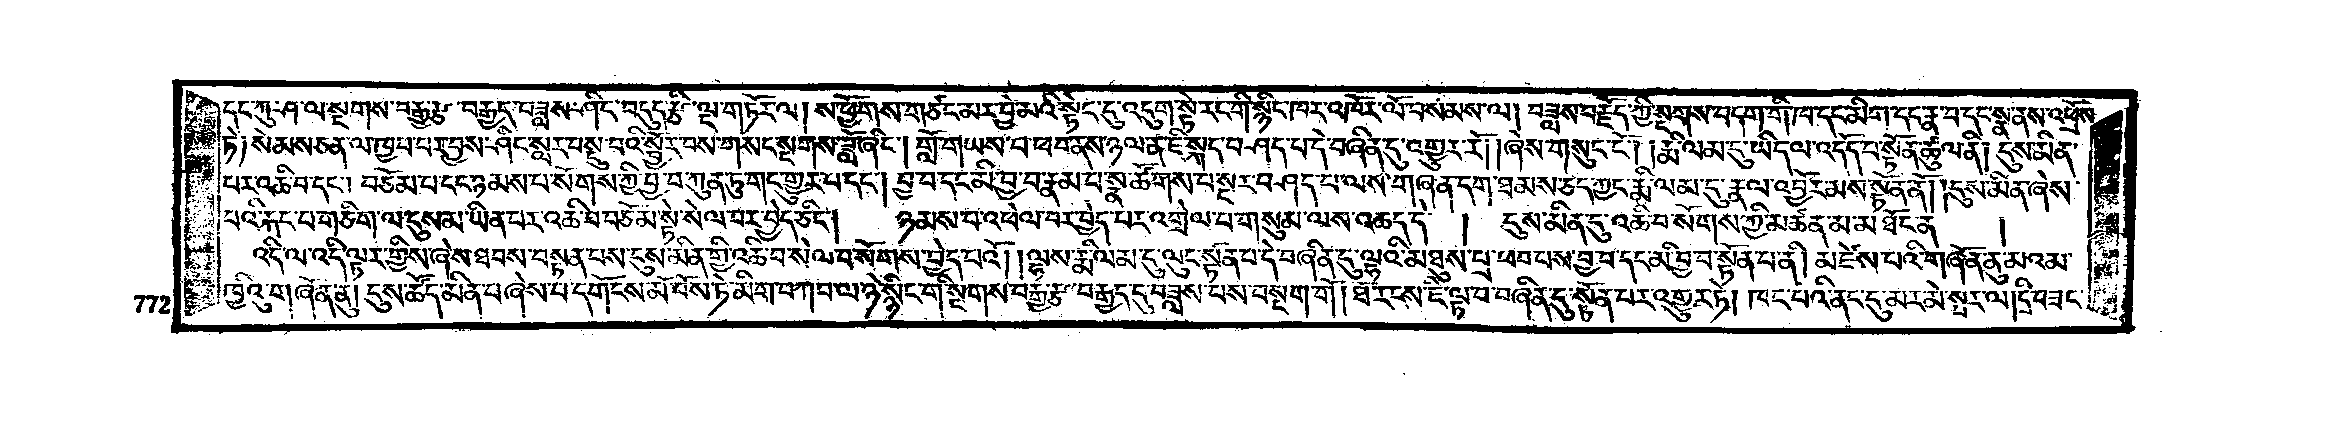དང་ཀུ་ཤ་ལ་སྔགས་བརྒྱ་རྩ་བརྒྱད་བཟླས་ཤིང་བདུད་རྩི་ལྔ་གཏོར་ལ། ས་ཕྱོགས་གཙང་མར་བྱེ་མའི་སྟེང་དུ་འདུག་སྟེ་རང་གི་སྙིང་ཁར་འཁོར་ལོ་བསམས་ལ། བཟླས་བརྗོད་ཀྱི་སྔགས་བདག་གི་ཁ་དང་མིག་དང་རྣ་བ་དང་སྣ་ནས་འཕྲོས་
ཏེ༑ སེམས་ཅན་ལ་ཁྱབ་པར་བྱས་ཤིང་སླར་བསྡུ་བའི་སྦྱོར་བས་གསང་སྔགས་ཟློ་ཞིང་། གློ་གཡས་པ་ཕབ་ནས་ཉལ་ན་ཇི་སྐད་བཤད་པ་དེ་བཞིན་དུ་འགྱུར་རོ། །ཞེས་གསུང་ངོ། །རྨི་ལམ་དུ་ཡིད་ལ་འདོད་པ་སྟོན་ཚུལ་ནི། དུས་མིན་
པར་འཆི་བ་དང་། བཅོམ་པ་དང་ཉམས་པ་སོགས་ཀྱི་བྱ་བ་ཀུན་ཏུ་གང་གྱུར་པ་དང་། བྱ་བ་དང་མི་བྱ་བ་རྣམ་པ་སྣ་ཚོགས་པ་སྔར་བཤད་པ་ལས་གཞན་དག་ཐམས་ཅད་ཀྱང་རྨི་ལམ་དུ་རྣལ་འབྱོར་མས་སྟོན་ནོ། །དུས་མིན་ཞེས་
པའི་རྐང་པ་གཅིག་ལ་དུས་མ་ཡིན་པར་འཆི་བ་བཅོམ་སྟེ་སེལ་བར་བྱེད་ཅིང་། ཉམས་པ་འཕེལ་བར་བྱེད་པར་འགྲེལ་པ་གསུམ་ལས་འཆད་དེ། དུས་མིན་དུ་འཆི་བ་སོགས་ཀྱི་མཚན་མ་མཐོང་ན།
འདི་ལ་འདི་ལྟར་གྱིས་ཞེས་ཐབས་བསྟན་པས་དུས་མིན་གྱི་འཆི་བ་སེལ་བ་སོགས་བྱེད་པའོ། །ལྷས་རྨི་ལམ་དུ་ལུང་སྟོན་པ་དེ་བཞིན་དུ་ལྷའི་མཐུས་པྲ་ཕབ་པས་བྱ་བ་དང་མི་བྱ་བ་སྟོན་པ་ནི། མཛེས་པའི་གཞོན་ནུ་མའམ་
ཁྱིའུ་གཞོན་ནུ། དུས་ཚོད་མིན་པ་ཞེས་པ་དགོངས་མོ་བོས་ཏེ་མིག་བཀབ་ལ་ཉེ་སྙིང་གི་སྔགས་བརྒྱ་རྩ་བརྒྱད་དུ་བཟླས་པས་བསྔག་གོ། ཐོ་རངས་ཇི་ལྟ་བ་བཞིན་དུ་སྟོན་པར་འགྱུར་ཏེ། ཁང་པའི་ནང་དུ་མར་མེ་སྤར་ལ། དྲི་བཟང་